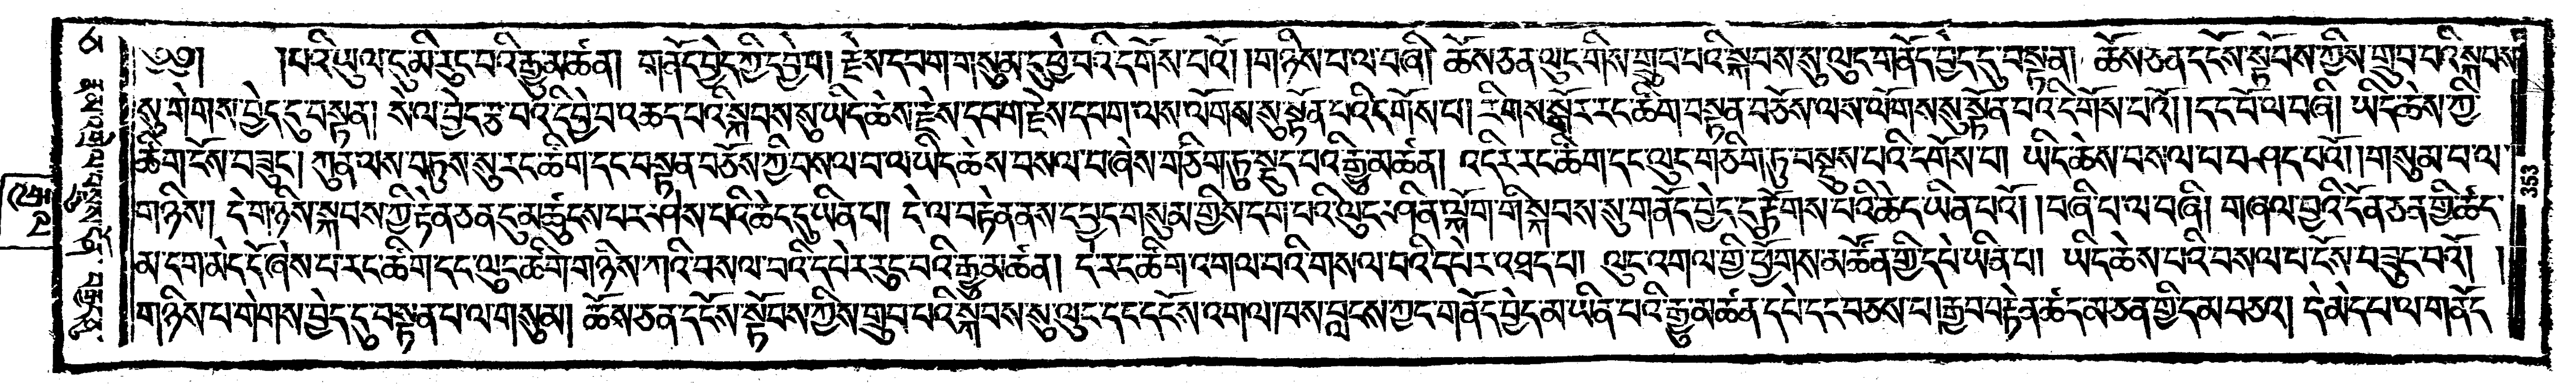༄༅། །པའི་ཡུལ་དུ་མི་རུང་བའི་རྒྱུ་མཚན། གནོད་བྱེད་ཀྱི་དབྱེ་བ། རྗེས་དཔག་གསུམ་དུ་ཕྱེ་བའི་དགོས་པའོ། །གཉིས་པ་ལ་བཞི། ཆོས་ཅན་ལུང་གིས་གྲུབ་པའི་སྐབས་སུ་ལུང་གནོད་བྱེད་དུ་བསྟན། ཆོས་ཅན་དངོས་སྟོབས་ཀྱིས་གྲུབ་པའི་སྐབས་
སུ་གེགས་བྱེད་དུ་བསྟན། སེལ་བྱེད་རྩ་བའི་དབྱེ་བ་འཆད་པའི་སྐབས་སུ་ཡིད་ཆེས་རྗེས་དཔག་རྗེས་དཔག་ལས་ལོགས་སུ་སྟོན་ཨཱི་དགོས་པ། རིགས་སྒོར་རང་ཚིག་བསྟན་བཅོས་ལས་ལོགས་སུ་སྟོན་པའི་དགོས་པའོ། །དང་པོ་ལ་བཞི། ཡིད་ཆེས་ཀྱི་
ཚིག་ངོས་བཟུང་། ཀུན་ལས་བཏུས་སུ་རང་ཚིག་དང་བསྟན་བཅོས་ཀྱི་བསལ་བ་ལ་ཡིད་ཆེས་བསལ་བ་ཞེས་གཅིག་ཏུ་སྡུད་པའི་རྒྱུ་མཚན། འདིར་རང་ཚིག་དང་ལུང་གཅིག་ཏུ་བསྡུས་པའི་དགོས་པ། ཡིད་ཆེས་བསལ་བ་བཤད་པའོ། །གསུམ་པ་ལ་
གཉིས། དེ་གཉིས་སྐབས་ཀྱི་རྟེན་ཅན་དུ་མཚུངས་པར་ཤེས་པའི་ཆེད་དུ་ཡིན་པ། དེ་ལ་བརྟེན་ནས་དཔྱད་གསུམ་གྱིས་དག་པའི་ལུང་ཤིན་ལྐོག་གི་སྐབས་སུ་གནོད་བྱེད་དུ་རྟོགས་པའི་ཆེད་ཡིན་པའོ། །བཞི་པ་ལ་བཞི། གཞལ་བྱའི་དོན་ཅན་གྱི་ཚད་
མ་དག་མེད་དོ་ཞེས་པ་རང་ཚིག་དང་ལུང་ཚིག་གཉིས་ཀའི་བསལ་བའི་དཔེར་རུང་བའི་རྒྱུ་མཚན། དེ་རང་ཚིག་འགལ་བའི་གསལ་བའི་དཔེར་འཐད་པ། ལུང་འགལ་གྱི་ཕྱོགས་མཚོན་གྱི་དཔེ་ཡིན་པ། ཡིད་ཆེས་པའི་བསལ་བ་ངོས་བཟུང་བའོ། །
གཉིས་པ་གེགས་བྱེད་དུ་བསྟན་པ་ལ་གསུམ། ཆོས་ཅན་དངོས་སྟོབས་ཀྱིས་གྲུབ་པའི་སྐབས་སུ་ལུང་དང་དངོས་འགལ་ཁས་བླངས་ཀྱང་གནོད་བྱེད་མ་ཡིན་པའི་རྒྱུ་མཚན་དཔེ་དང་བཅས་པ། རྒྱབ་བརྟེན་ཚད་མ་ཅན་གྱི་དམ་བཅའ། དེ་མེད་པ་ལ་གནོད་